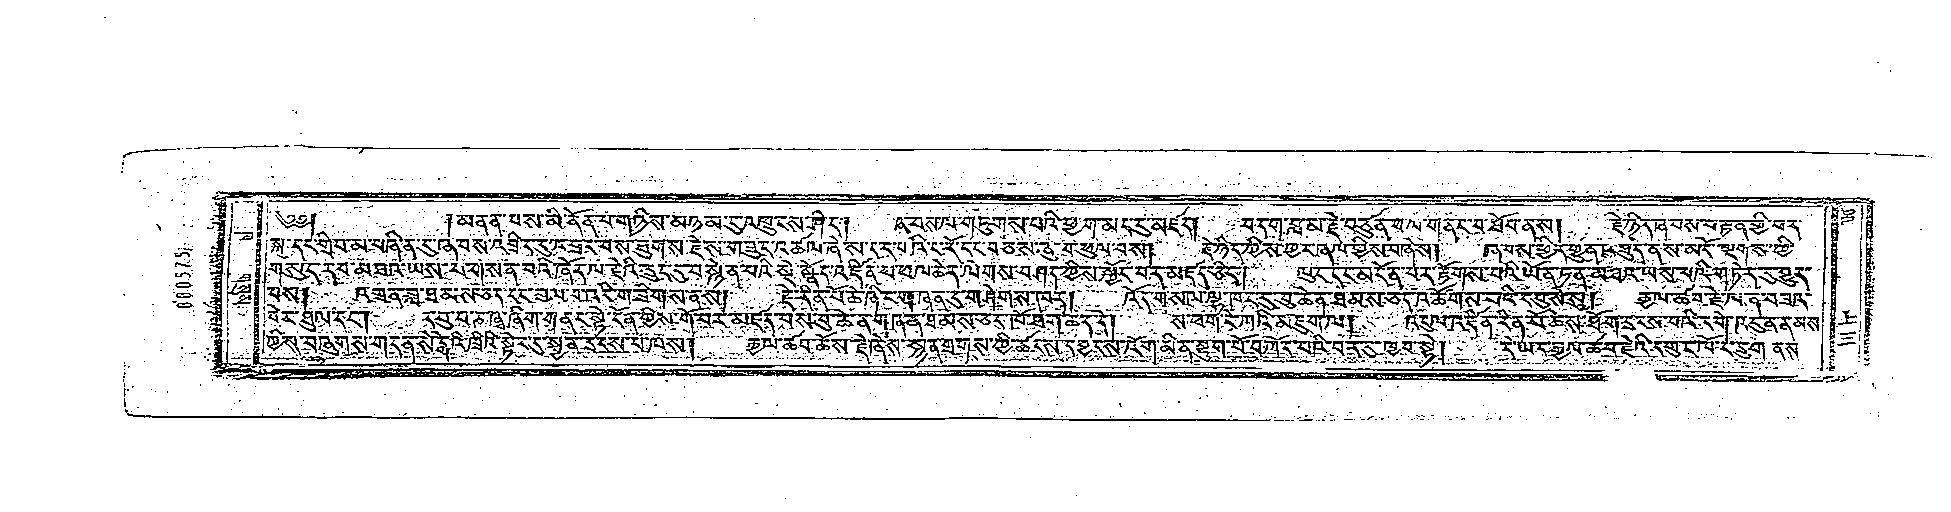༄༅། །མནན་པས་མི་ནོན་པ་གཉིས་མཉམ་དུ་འཁྲུངས་ཤིང་། ཞབས་ལ་གཏུགས་པའི་ཕྱག་མང་དུ་མཛད། བདག་བླ་མ་རྗེ་བཙུན་ཕ་ལ་གནང་བ་ཐོབ་ནས། རྗེ་ཉིད་ཞབས་བརྟན་གྱི་བར་
སྐུ་དང་གྲིབ་མ་བཞིན་དུ་ཞབས་འབྲིང་དུ་འབྲང་བས་ཐུགས་རྗེས་གཟུང་འཚལ་ཞེས་དད་པའི་ང་རོ་དང་བཅས་ཞུ་བ་ཕུལ་བས། རྗེ་ཉིད་ཀྱིས་ཀྱང་ཞལ་གྱིས་བཞེས། ཞབས་ཕྱིར་གྱུན་འཐུར་ནས་མདོ་སྔགས་ཀྱི་
གསུད་རབ་མཐའ་ཡས་པ་གསན་པའི་ཞོར་ལ་རྗེའི་དྲུང་དུ་བསྙེན་པའི་སྡེ་སྣོད་འཛིན་པ་ཕལ་ཆེར་ལེགས་བཤད་ཀྱིས་སྐྱོང་བར་མཛད་ཅིང་། ལུང་དང་མདོན་པར་རྟོགས་པའི་ཡོན་ཏན་མཐའ་ཡས་པའི་གཏེར་དུ་གྱུར་
པས། འགྲན་ཟླ་ཐམས་ཅད་དང་བྲལ་བ་འདི་གཟིགས་ནས། རྗེ་རིན་པོ་ཆེ་ཞིང་གཞན་དུ་གཤེགས་ཁར། འོད་གསལ་ལྷ་ཁང་དུ་བུ་ཆེན་ཐམས་ཅད་འཚོགས་པའི་དབུས་སུ། རྒྱལ་ཚབ་རྗེ་ལ་ན་བཟའ་
བེར་ཐུལ་དང་། དབུ་པ་ཎ་ཞྭ་ཞིག་གནང་སྟེ་དོན་གྱིས་གོ་བར་མཛད་པས་བུ་ཆེན་གཞན་ཐམས་ཅད་ཁོ་ཐག་ཆད་དེ། །ས་ཕག་ངེ་ཀའི་མཇུག་ལ། འདུལ་འཛིན་རིན་པོ་ཆེས་ཐོག་དྲངས་པའི་དགེ་འདུན་ནམས་
ཀྱིས་བཞུགས་གདན་སེངྒེའི་ཁྲིའི་སྟེང་དུ་སྤྱན་དྲངས་པ་ལས། རྒྱལ་ཚབ་ཆོས་རྗེ་ཞེས་སྙན་གྲགས་ཀྱི་ཚངས་དབྱང་འོག་མིན་སྟུག་པོ་བཀོད་པའི་བར་དུ་ཁྱབ་སྟེ། དེ་ཡང་རྒྱལ་ཚབ་རྗེའི་དགུང་ལོ་ང་དྲུག་ནས་